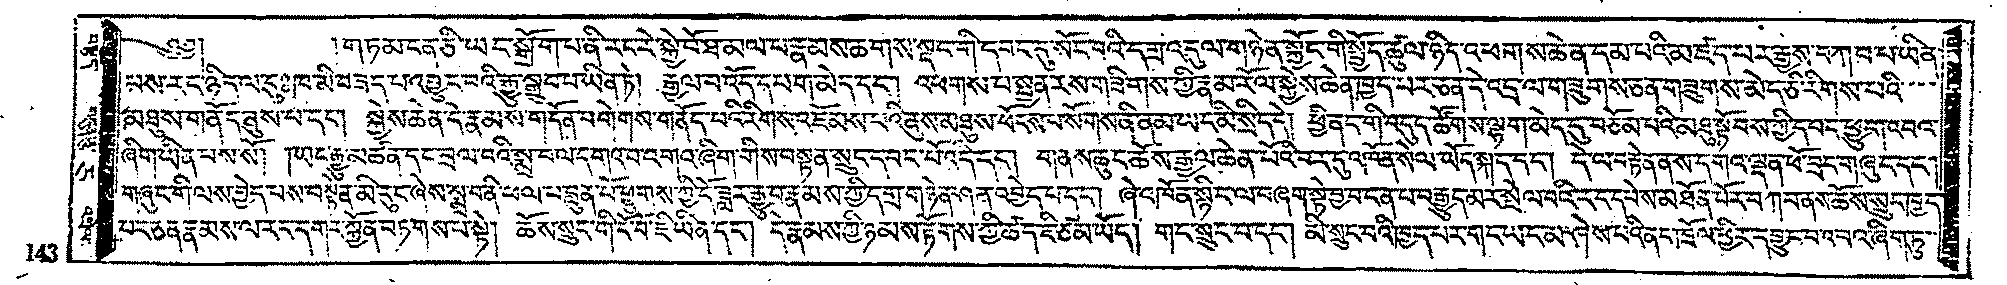༄༅། །གཏམ་ངན་ཅི་ཡང་སྒྲོག་པ་ནི་རང་རེ་སྐྱེ་བོ་ཐ་མལ་པ་རྣམས་ཆགས་སྡང་གི་དབང་དུ་སོང་བའི་དགྲ་འདུལ་གཉེན་སྐྱོང་གི་སྤྱོད་ཚུལ་ཉིད་འཕགས་ཆེན་དམ་པའི་མཛད་པར་རྒྱས་བཀག་པ་ཡིན་
པས་རང་ཉིད་ལ་དུཿ ཁ་མི་བཟད་པ་འབྱུང་བའི་རྒྱུ་སྒྲུབ་པ་ཡིན་ཏེ། རྒྱལ་བ་འོད་དཔག་མེད་དང་། འཕགས་པ་སྤྱན་རས་གཟིགས་ཀྱི་རྣམ་རོལ་སྐྱེས་ཆེན་ཁྱད་པར་ཅན་དེ་འདྲ་ལ་གཟུགས་ཅན་གཟུགས་མེད་ཅི་རིགས་པའི་
མཐུས་གནོད་ནུས་པ་དང་། སྐྱེས་ཆེན་དེ་རྣམས་གདོན་བགེགས་གནོད་པའི་རིགས་འཇོམས་པའི་ནུས་མཐུས་ཕོངས་པ་སོགས་ནི་ནམ་ཡང་མི་སྲིད་དེ། ཕྱི་ནང་གི་བདུད་ཚོགས་ལྷག་མེད་དུ་བཅོམ་པའི་མཐུ་སྟོབས་ཀྱི་དབང་ཕྱུག་འབའ་
ཞིག་ཡིན་པས་སོ། །ཡང་རྒྱུ་མཚན་དང་བྲལ་བའི་སྨྲ་བ་ལ་དགའ་བ་འགའ་ཞིག་གིས་བསྟན་སྲུང་དབང་པོ་འདི་དང་། གནས་ཆུང་ཆོས་རྒྱལ་ཆེན་པོའི་བར་དུ་འཁོན་སེལ་ཡོད་སྐད་དང་། དེ་ལ་བརྟེན་ནས་དགའ་ལྡན་ཕོ་བྲང་གཞུང་དང་།
གཞུང་གི་ལས་བྱེད་པས་བསྟན་མི་རུང་ཞེས་སྨྲ་བ་ནི་ཕལ་པ་བླུན་པོ་ཕྱུགས་ཀྱི་དོ་ཟླར་རྒྱུ་བ་རྣམས་ཀྱི་དགྲ་གཉེན་ཤན་འབྱེད་པ་དང་། ཞེས་འཁོན་སྙིང་ལ་བཞག་སྟེ་བྱ་བ་ངན་པ་བརྒྱུད་མར་སྤེལ་བའི་རང་དཔེ་ས་མཐོན་པོར་བཀབ་ནས་ཆོས་སྲུང་ཁྱད་
པར་ཅན་རྣམས་ལ་རང་དགར་སྐྱོན་བཏགས་པ་སྟེ། ཆོས་སྲུང་གི་ངོ་བོ་ཇི་ཡིན་དང་། དེ་རྣམས་ཀྱི་ཉམས་རྟོགས་ཀྱི་ཚད་ཇི་ཙམ་ཡོད། གང་སྲུང་བ་དང་། མི་སྲུང་བའི་ཁྱད་པར་གང་ཡང་མ་ཤེས་པའི་ནང་ཁྲོལ་ཕྱིར་དབྱུང་བ་འབའ་ཞིག་ཏུ་